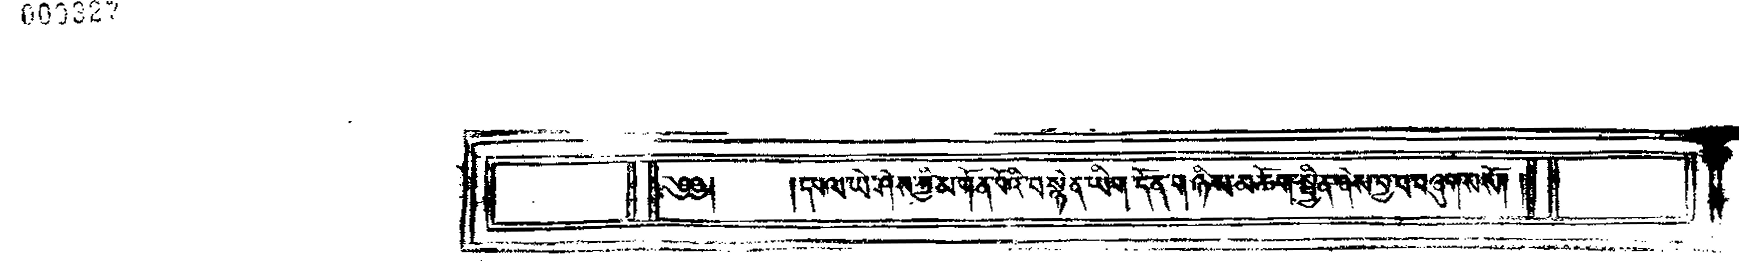༄༅། །དཔལ་ཡེ་ཤེས་ཀྱི་མགོན་པོའི་བསྙེན་ཡིག་དོན་གཉིས་མཆོག་སྦྱིན་ཞེས་བྱ་བ་བཞུགས་སོ། །